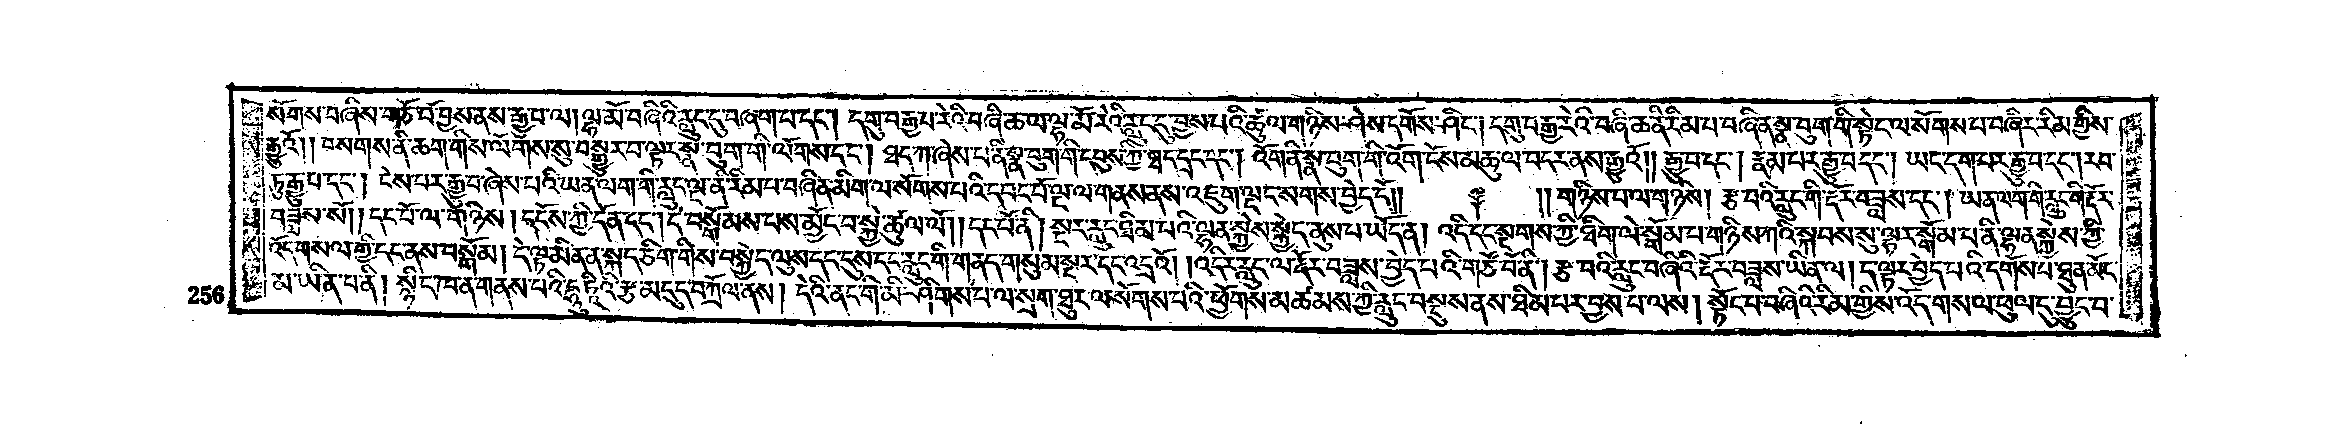སོགས་བཞིས་གཙོ་བོ་བྱས་ནས་རྒྱུ་བ་ལ། ལྷ་མོ་བཞིའི་རླུང་དུ་བཞག་པ་དང་། དགུ་བརྒྱ་པ་རེའི་བཞི་ཆ་ལ་ལྷ་མོ་རེའི་རླུང་དུ་བྱས་པའི་ཚུལ་གཉིས་ཤེས་དགོས་ཤིང་། དགུ་བརྒྱ་རེའི་བཞི་ཆ་ནི་རིམ་པ་བཞིན་སྣ་བུག་གི་སྟེང་ལ་སོགས་པ་བཞིར་རིམ་གྱིས་
རྒྱུའོ། །བསོགས་ནི་ཆག་གིས་ལོགས་སུ་བསྒྱུར་བ་ལྟར་སྣ་བུག་གི་ལོགས་དང་། ཐད་ཀ་ཞེས་པ་ནི་སྣ་བུག་གི་དབུས་ཀྱི་ཐད་དྲང་དང་། འོག་ནི་སྣ་བུག་གི་འོག་ངོས་མཆུ་ལ་བདར་ནས་རྒྱུའོ། །རྒྱུ་བ་དང་། རྣམ་པར་རྒྱུ་བ་དང་། ཡང་དག་པར་རྒྱུ་བ་དང་། རབ་
ཏུ་རྒྱུ་བ་དང་། ངེས་པར་རྒྱུ་བ་ཞེས་པའི་ཡན་ལག་གི་རླུང་ལྔ་ནི་རིམ་པ་བཞིན་མིག་ལ་སོགས་པའི་དབང་པོ་ལྔ་ལ་གནས་ནས་འཇུག་ལྡང་སོགས་བྱེད་དོ།། ༈ །།གཉིས་པ་ལ་གཉིས། རྩ་བའི་རླུང་གི་རྡོར་བཟླས་དང་། ཡན་ལག་གི་རླུང་གི་རྡོར་
བཟླས་སོ། །དང་པོ་ལ་གཉིས། དངོས་ཀྱི་དོན་དང་། དེ་བསྒོམས་པས་མྱོང་བ་སྐྱེ་ཚུལ་ལོ། །དང་པོ་ནི། སྔར་རླུང་ཐིམ་པའི་ལྷན་སྐྱེས་སྐྱེད་ནུས་པ་ཡོད་ན། འདི་དང་སྔགས་ཀྱི་ཐིག་ལེ་སྒོམ་པ་གཉིས་ཀའི་སྐབས་སུ་ལྷར་སྒོམ་པ་ནི་ལྷན་སྐྱེས་ཀྱི་
འོད་གསལ་གྱི་ངང་ནས་བསྒོམ། དེ་ལྟ་མིན་ན་སྐད་ཅིག་གིས་བསྐྱེད་ལུས་དང་དུས་དང་རླུང་གི་གནད་གསུམ་སྔར་དང་འདྲའོ། །འདིར་རླུང་ལ་རྡོར་བཟླས་བྱེད་པའི་གཙོ་བོ་ནི། རྩ་བའི་རླུང་བཞིའི་རྡོར་བཟླས་ཡིན་ལ། དེ་ལྟར་བྱེད་པའི་དགོས་པ་ཐུན་མོང་
མ་ཡིན་པ་ནི། སྙིང་ཁ་ན་གནས་པའི་དྷཱུ་ཏཱིའི་རྩ་མདུད་བཀྲོལ་ནས། དེའི་ནང་གི་མི་ཤིགས་པ་ལ་སྲོག་ཐུར་ལ་སོགས་པའི་ཕྱོགས་མཚམས་ཀྱི་རླུང་བསྡུས་ནས་ཐིམ་པར་བྱས་པ་ལས། སྟོང་པ་བཞིའི་རིམ་གྱིས་འོད་གསལ་ཕུལ་དུ་བྱུང་བ་